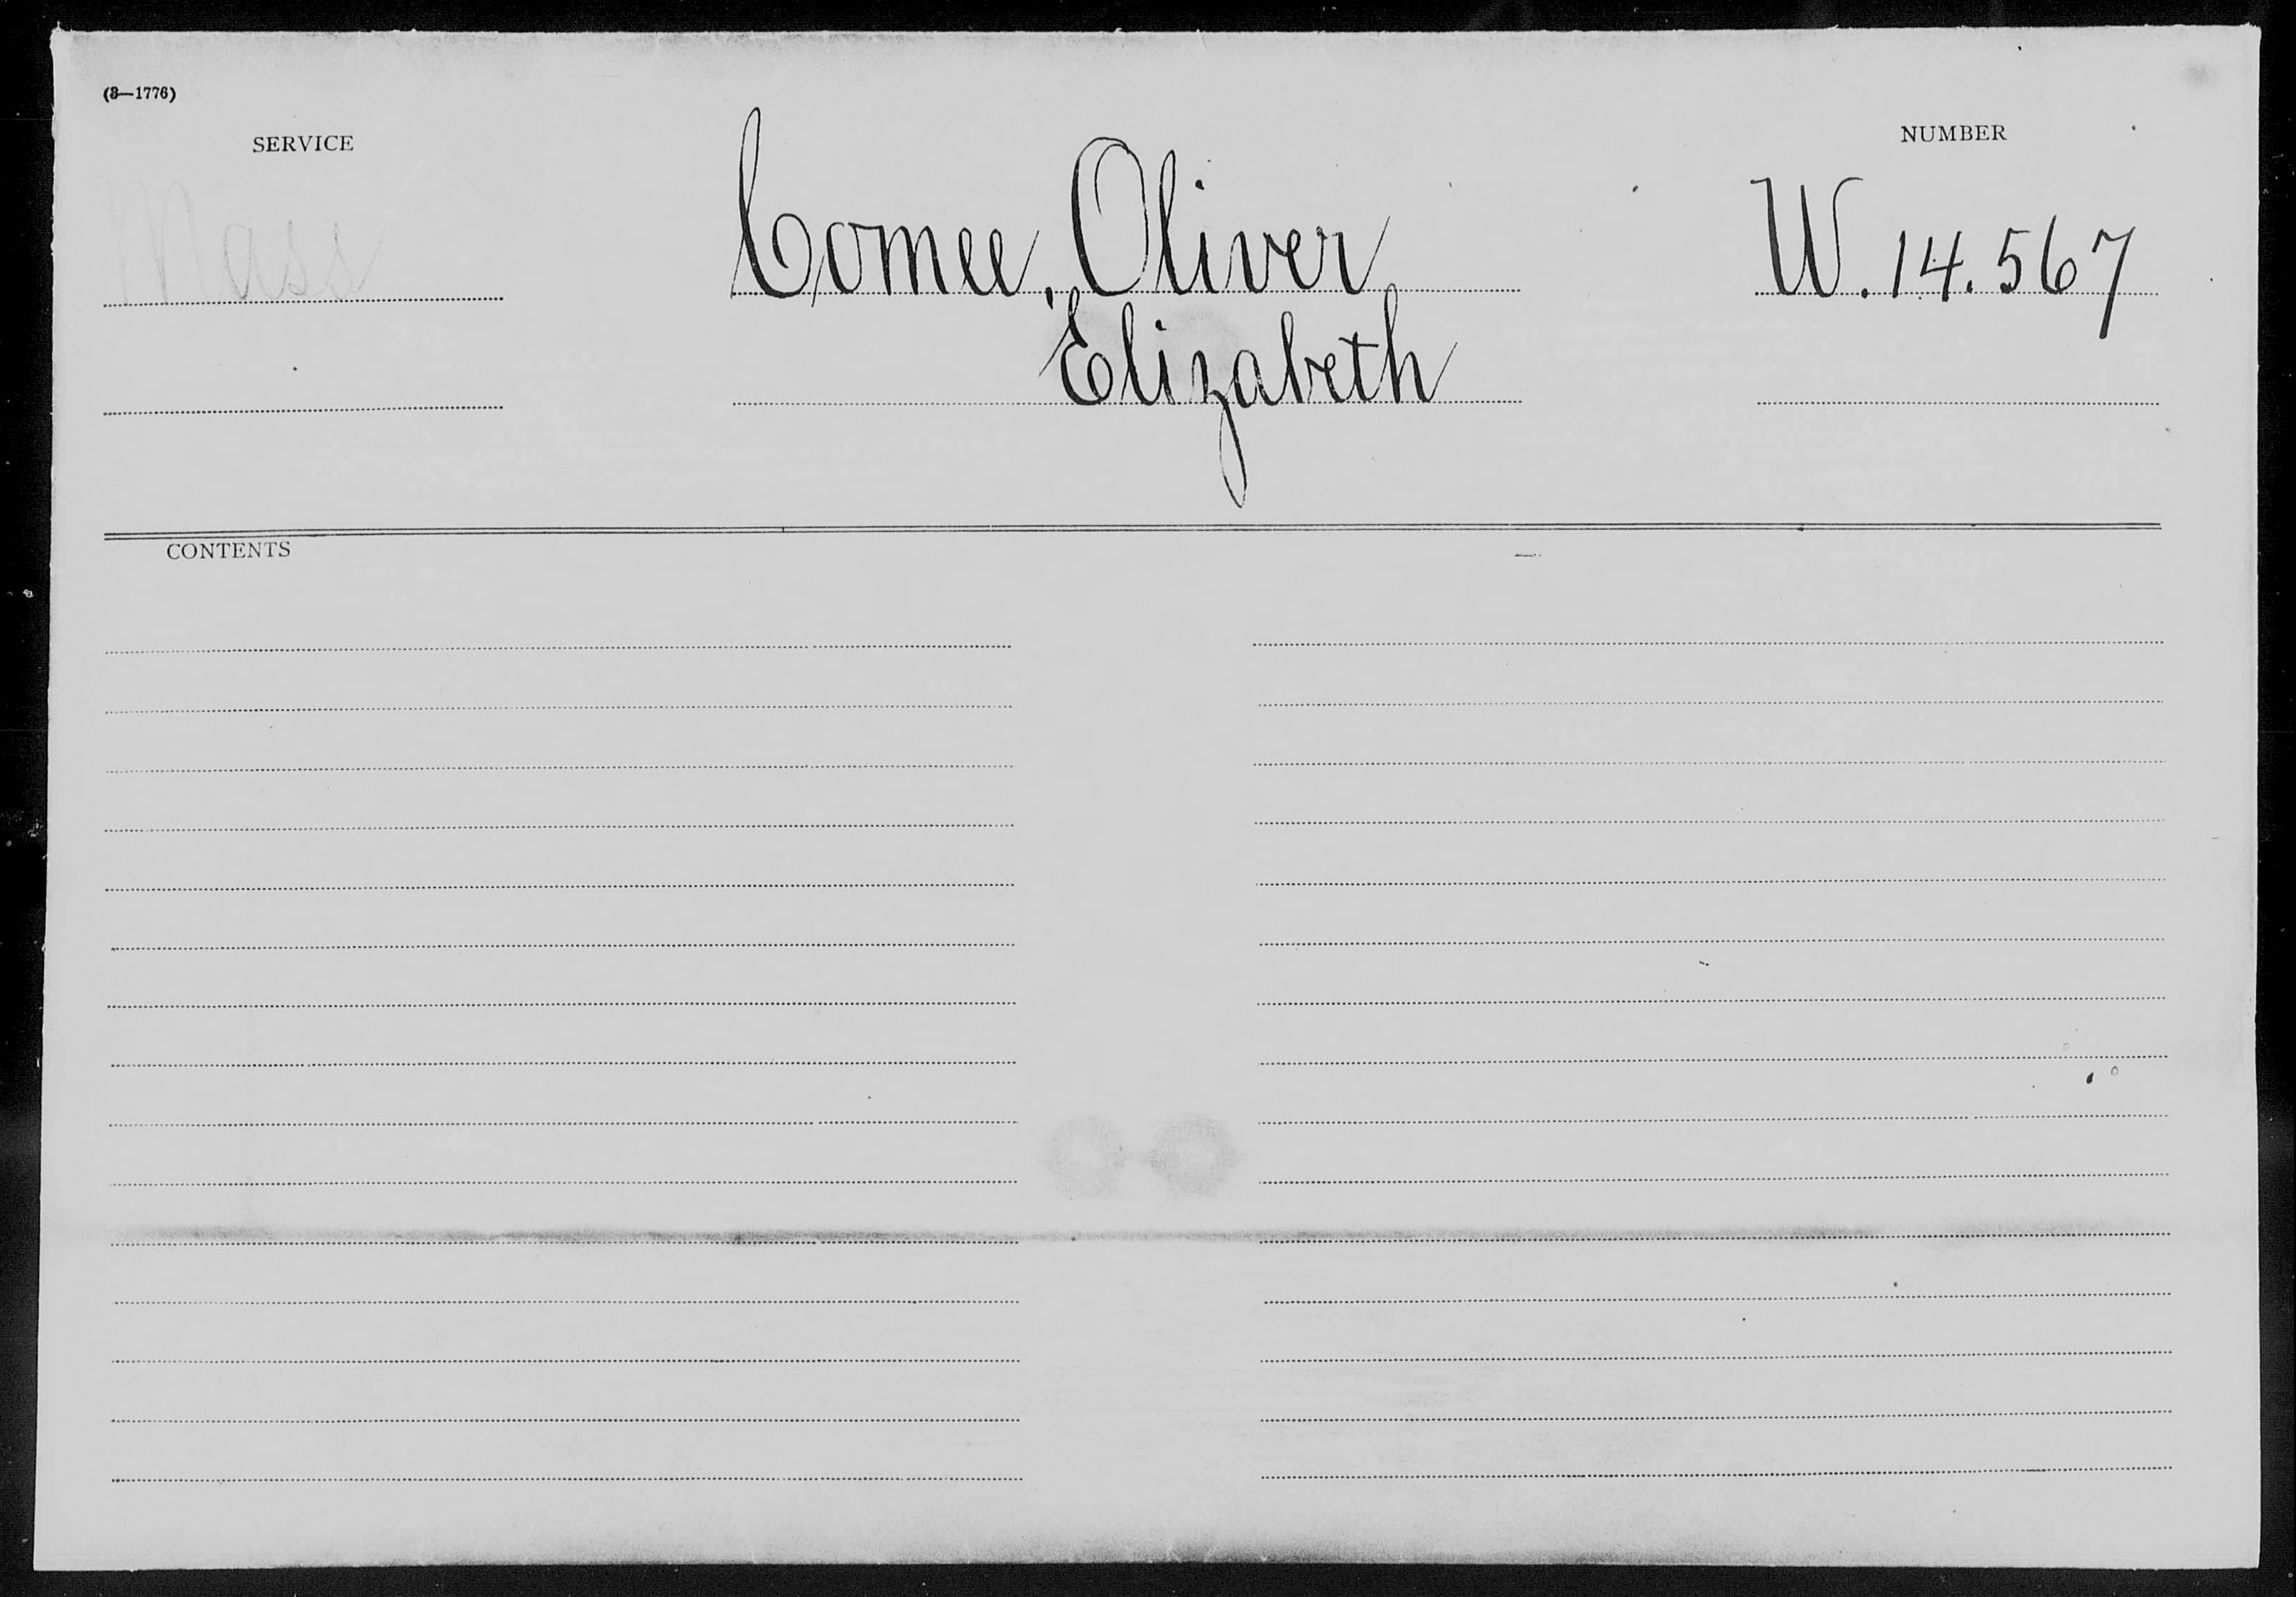3 - 1776) - SERVICE S CONTENTS Comer, Oliver Elizabeth NUMBER W. 14.567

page: 1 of 45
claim: widow's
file: W. 14,567, Oliver Comee, Mass.